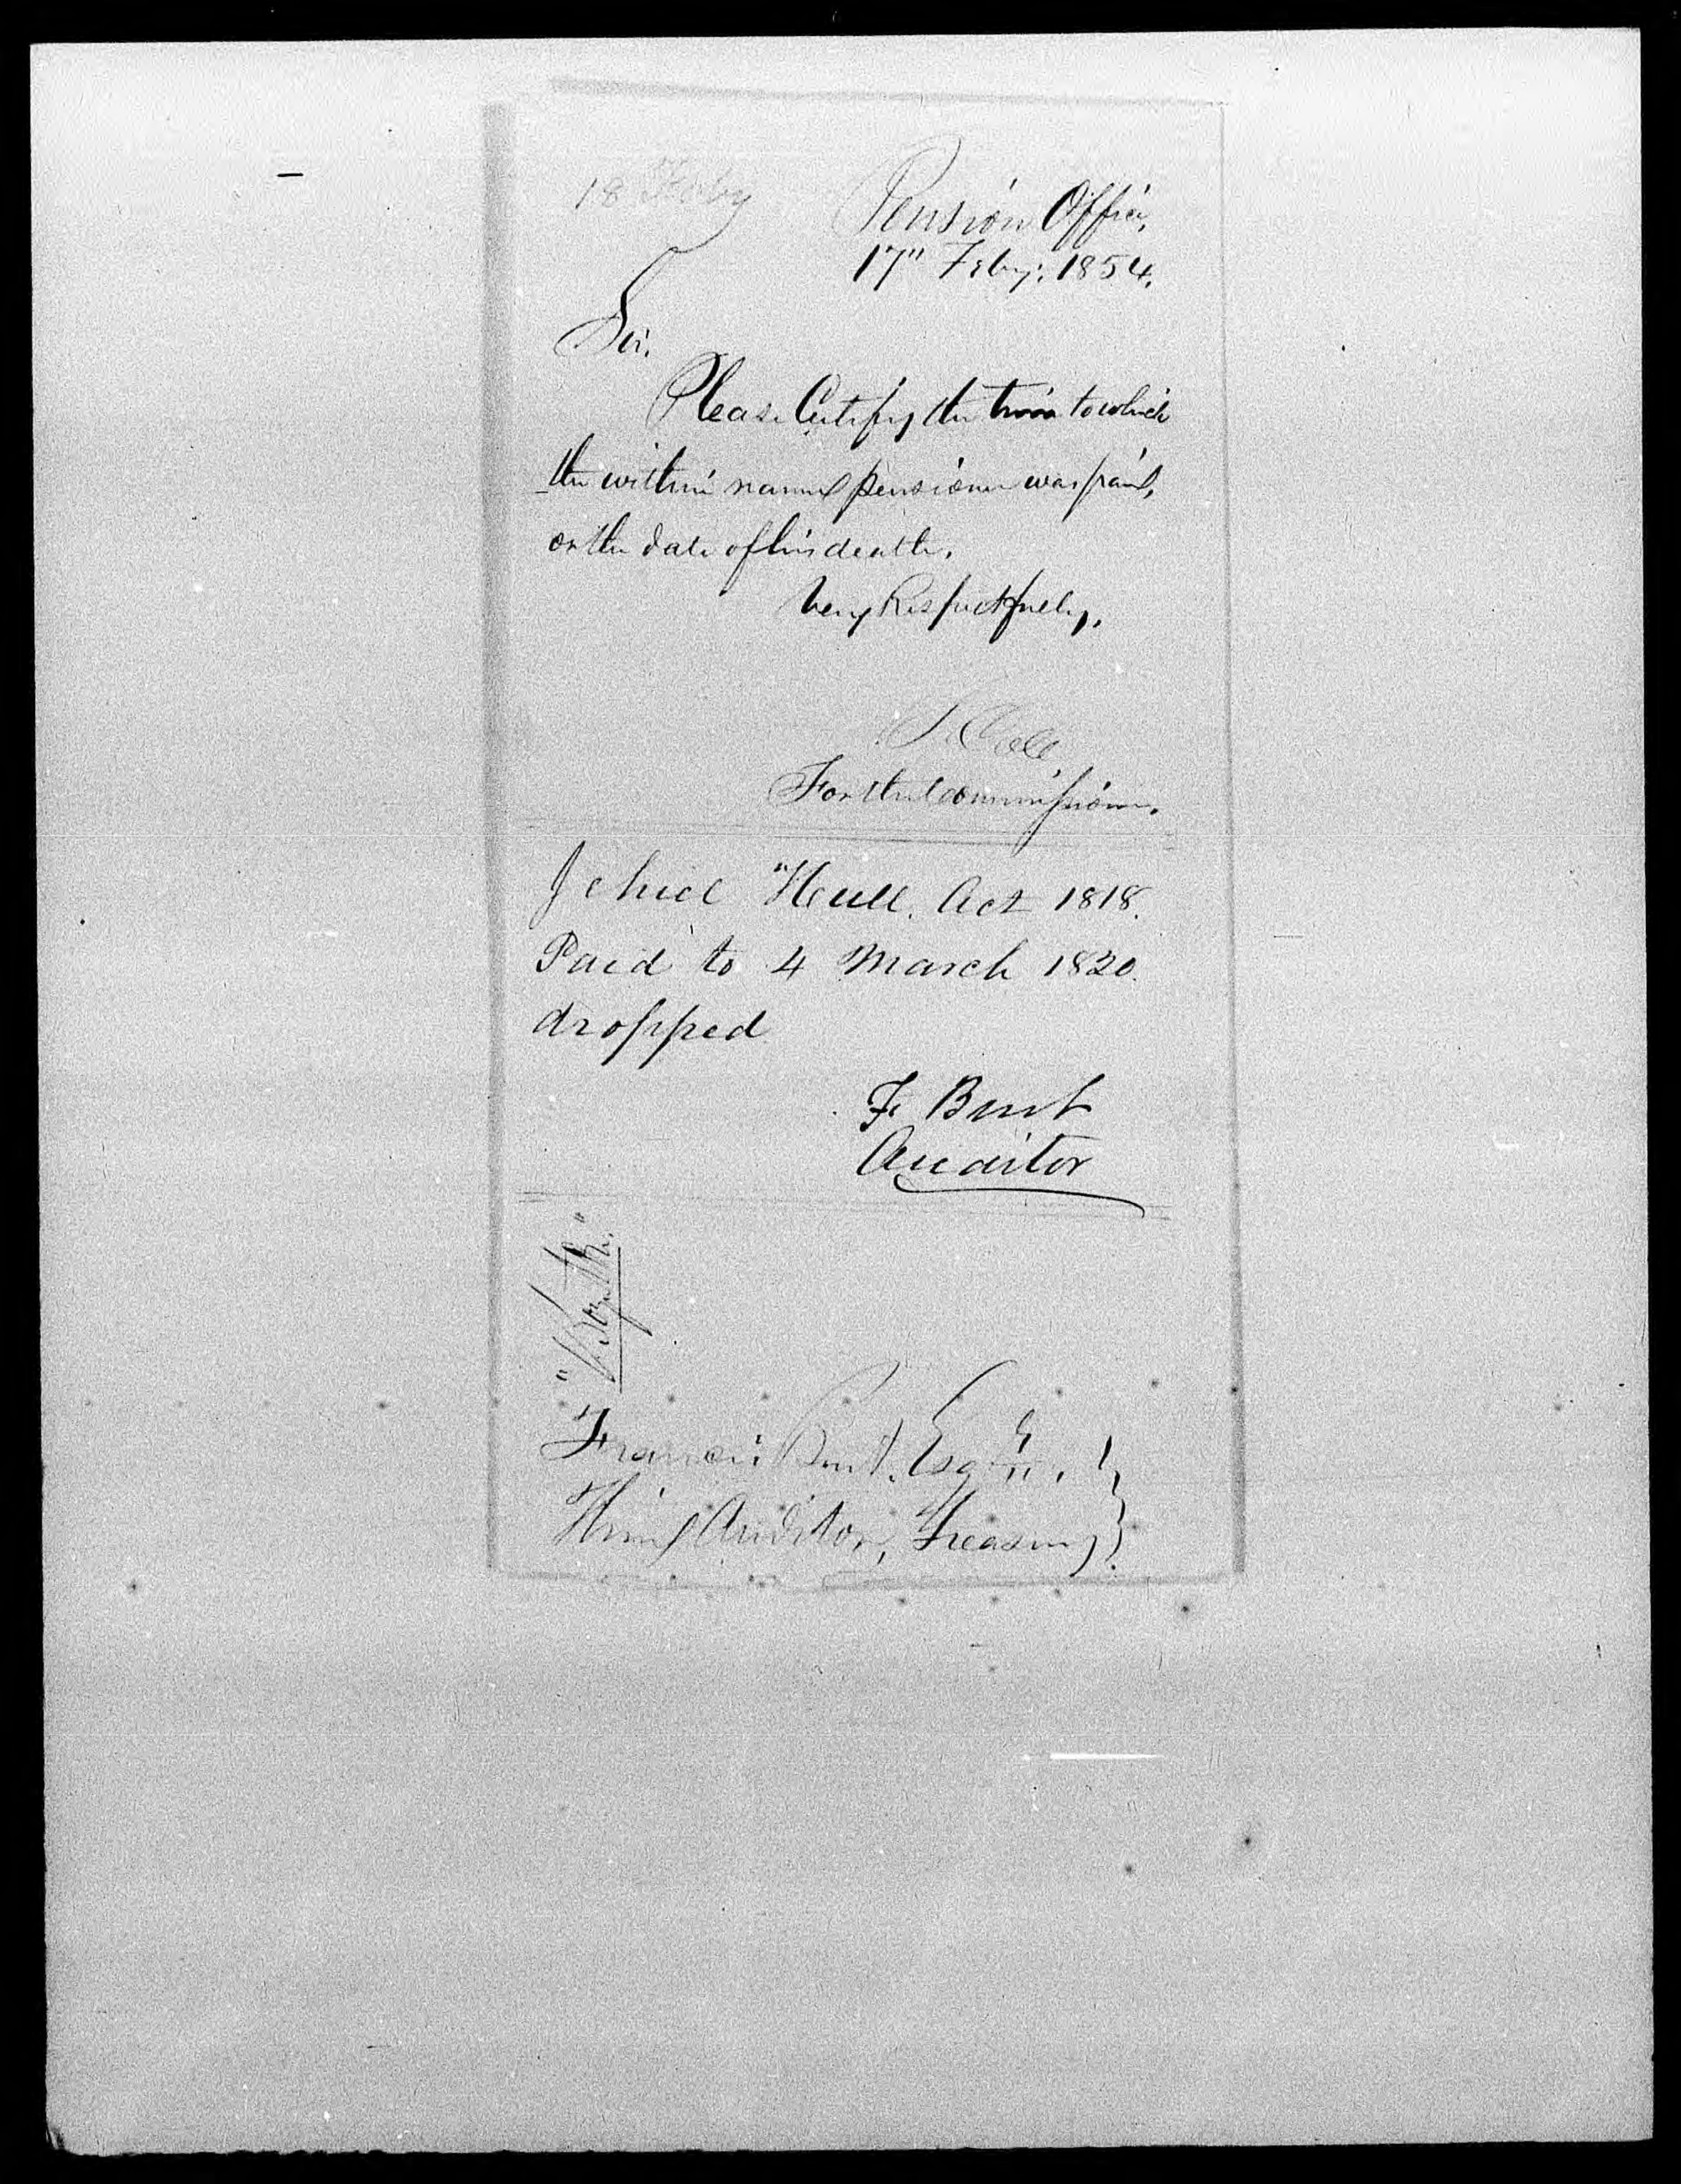18 Feby Pension Office 
17th Feby 1854
Sir:
Please certify ILLEGIBLE to which the within named pension was paid on the date of his death 
Very Resepctfully,
J Cole 
Fort ILLEGIBLE
ILLEGIBLE Act 1818 Paid to 4 March 1820 dropped 
F. ILLEGIBLE Auditor
From On: ILLEGIBLE Auditor ILLEGIBLE }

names: Jehiel Hull, Boynton, S Cole, Francis Burt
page: 25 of 58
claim: widow's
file: W. 25813, Jehiel Hull, Conn.